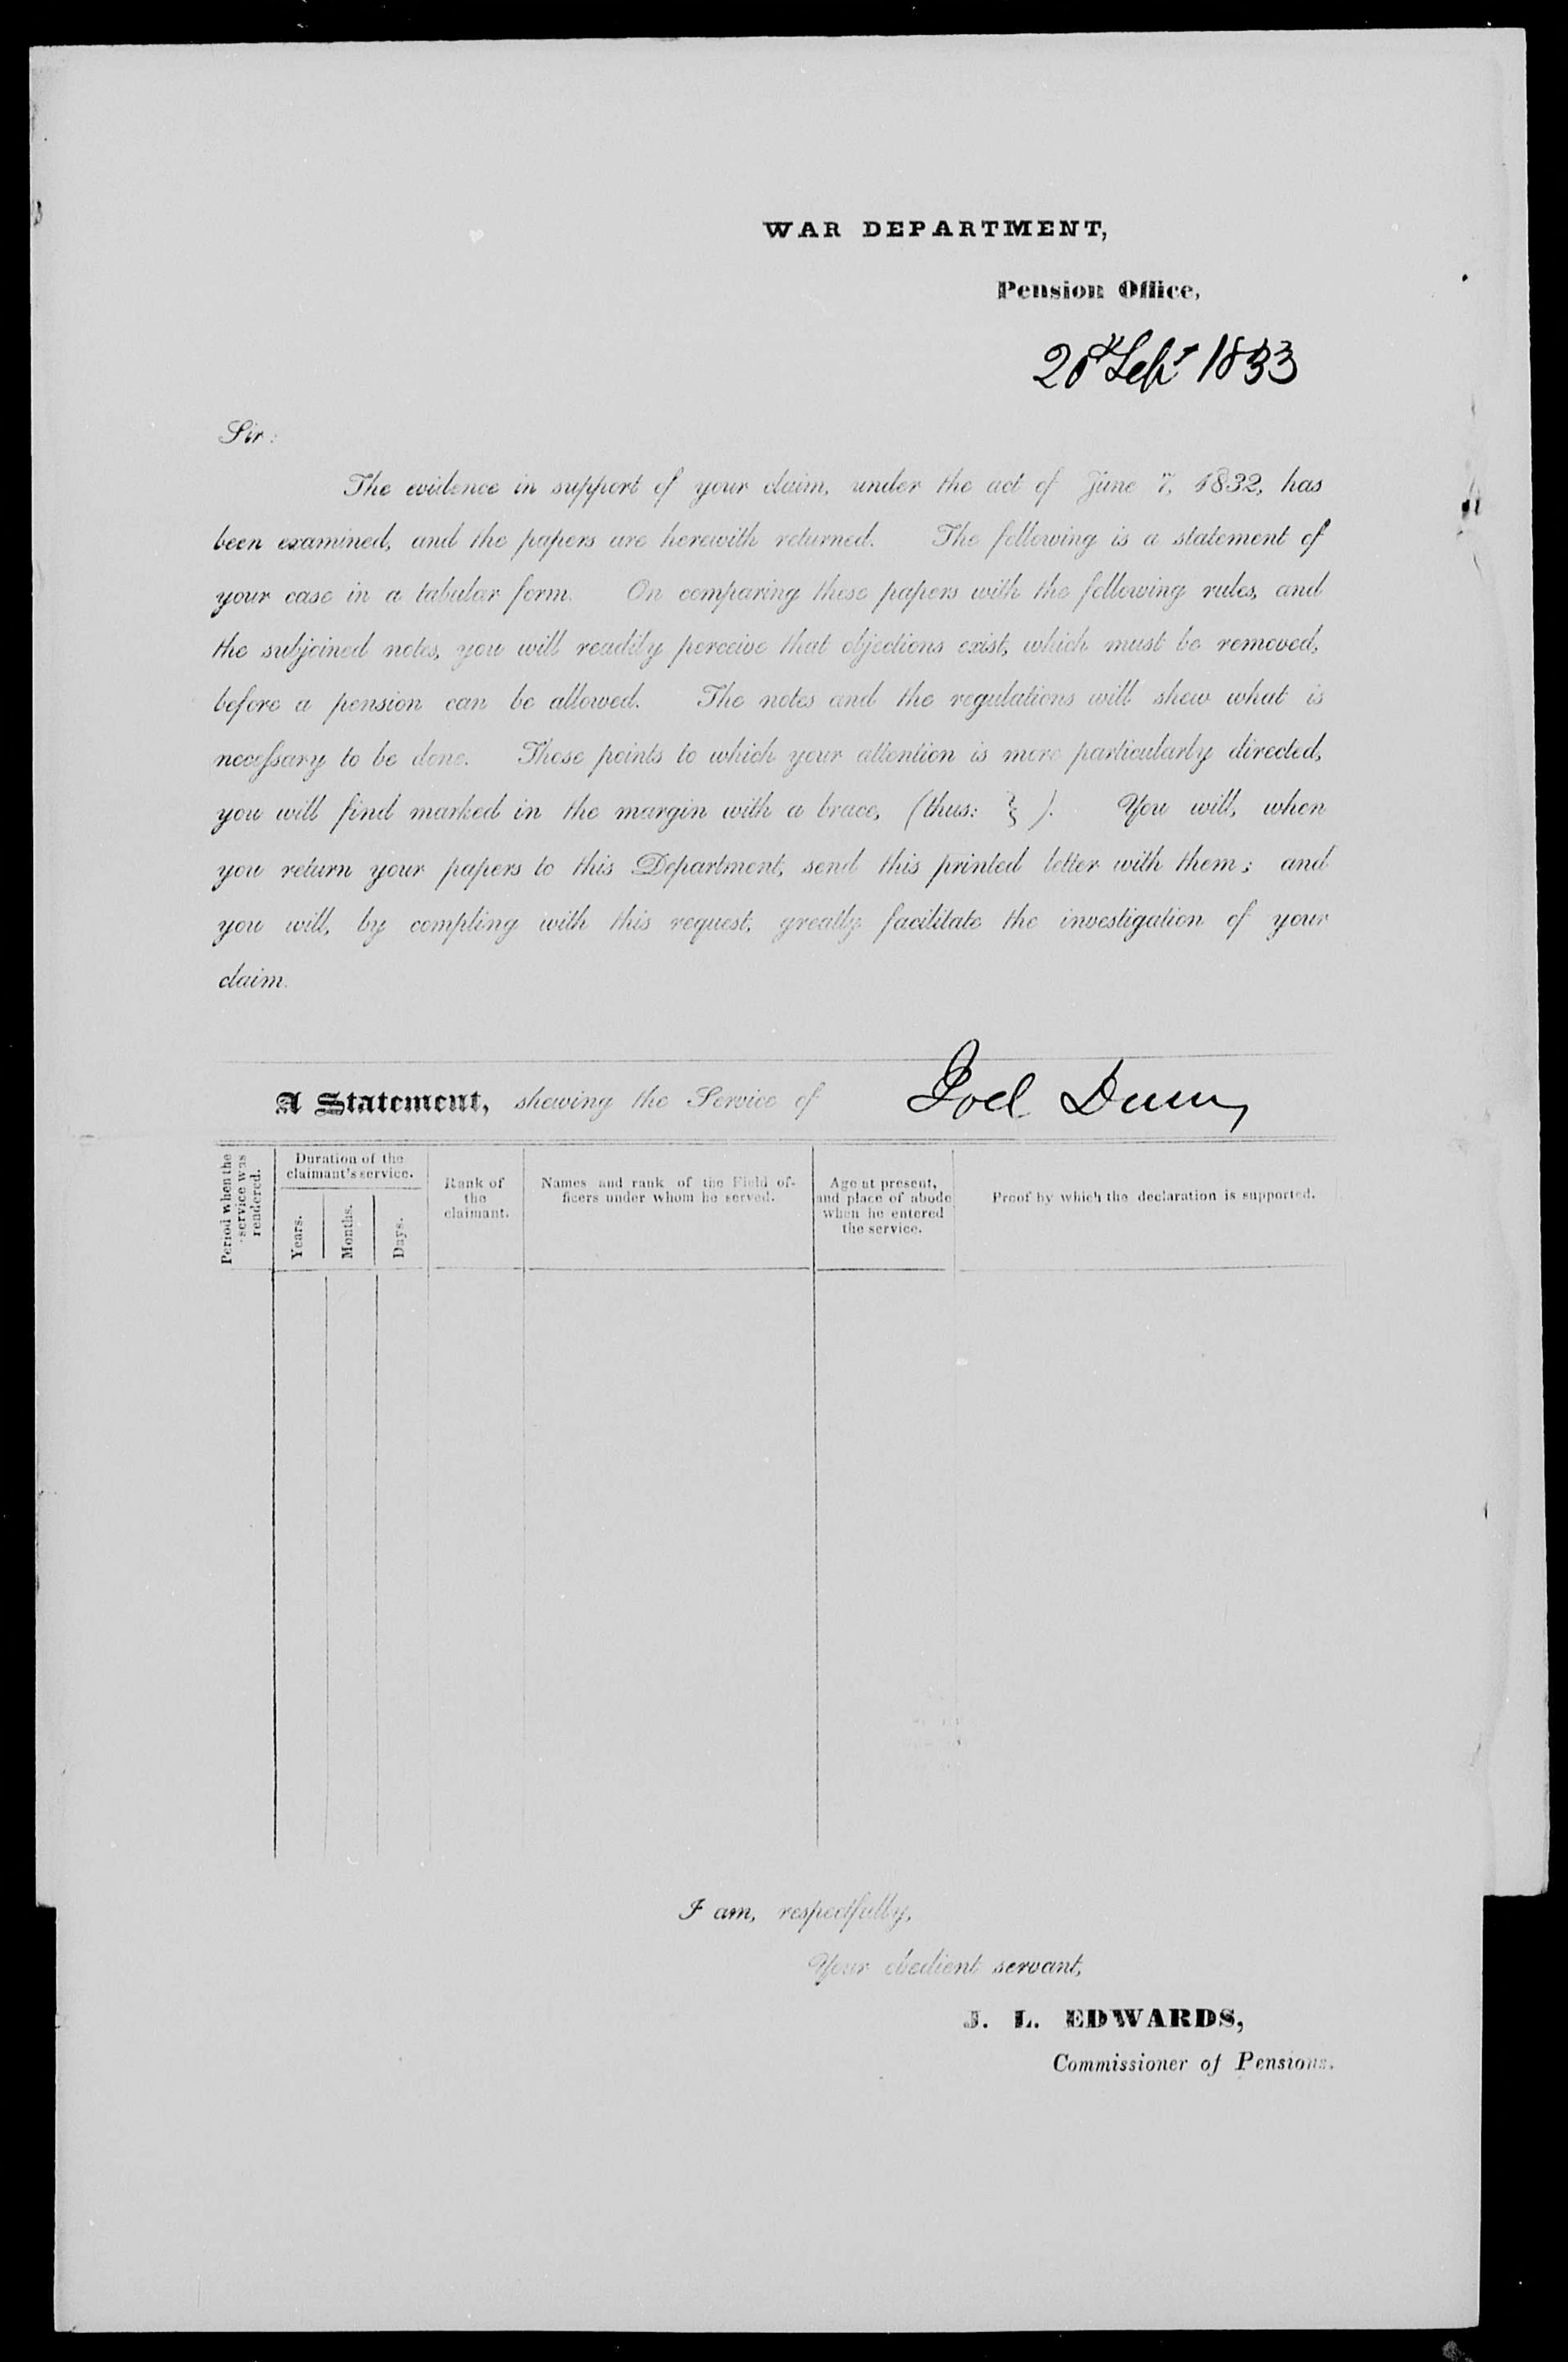WAR DEPARTMENT,
Pension Office,
20 Sept 1833

Sir:
The evidence in support of your claim, under the act of June 7, 1832, has been examined, and the papers are herewith returned.  The following is a statement of
your case in a tabular form.  On comparing these papers with the following rules, and
the subjoined notes, you will readily perceive that objections exist, which must be removed,
before a pension can be allowed.  The notes and the regulations will show what is 
necefsary [sp] to be done.  Those points to which your attention is more particularly directed, 
you will find marked in the margin with a brace, (thus: } ).  You will, when you return your papers to this Department, send this printed letter with them; and
you will, by compling [sp] with this request, greatly facilitate the investigation of your claim.

A statement, shewing [sp] the Service of Joel Dunn

[from left]]
Period when the service was rendered
Duration of the claimant's service.
Years. Months. Days.
Rank of the claimant.
Names and rank of the Field officers under whom he served.
Age at present, and place of abode when he entered the service.
Proof by which the declaration is supported.

I am, respectfully,
Your obedient servant,
J. L. EDWARDS,
Commissioner of Pensions.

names: J L Edwards, Joel Dunn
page: 31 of 52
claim: widow's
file: W. 919, Joel Dunn, New Jersey